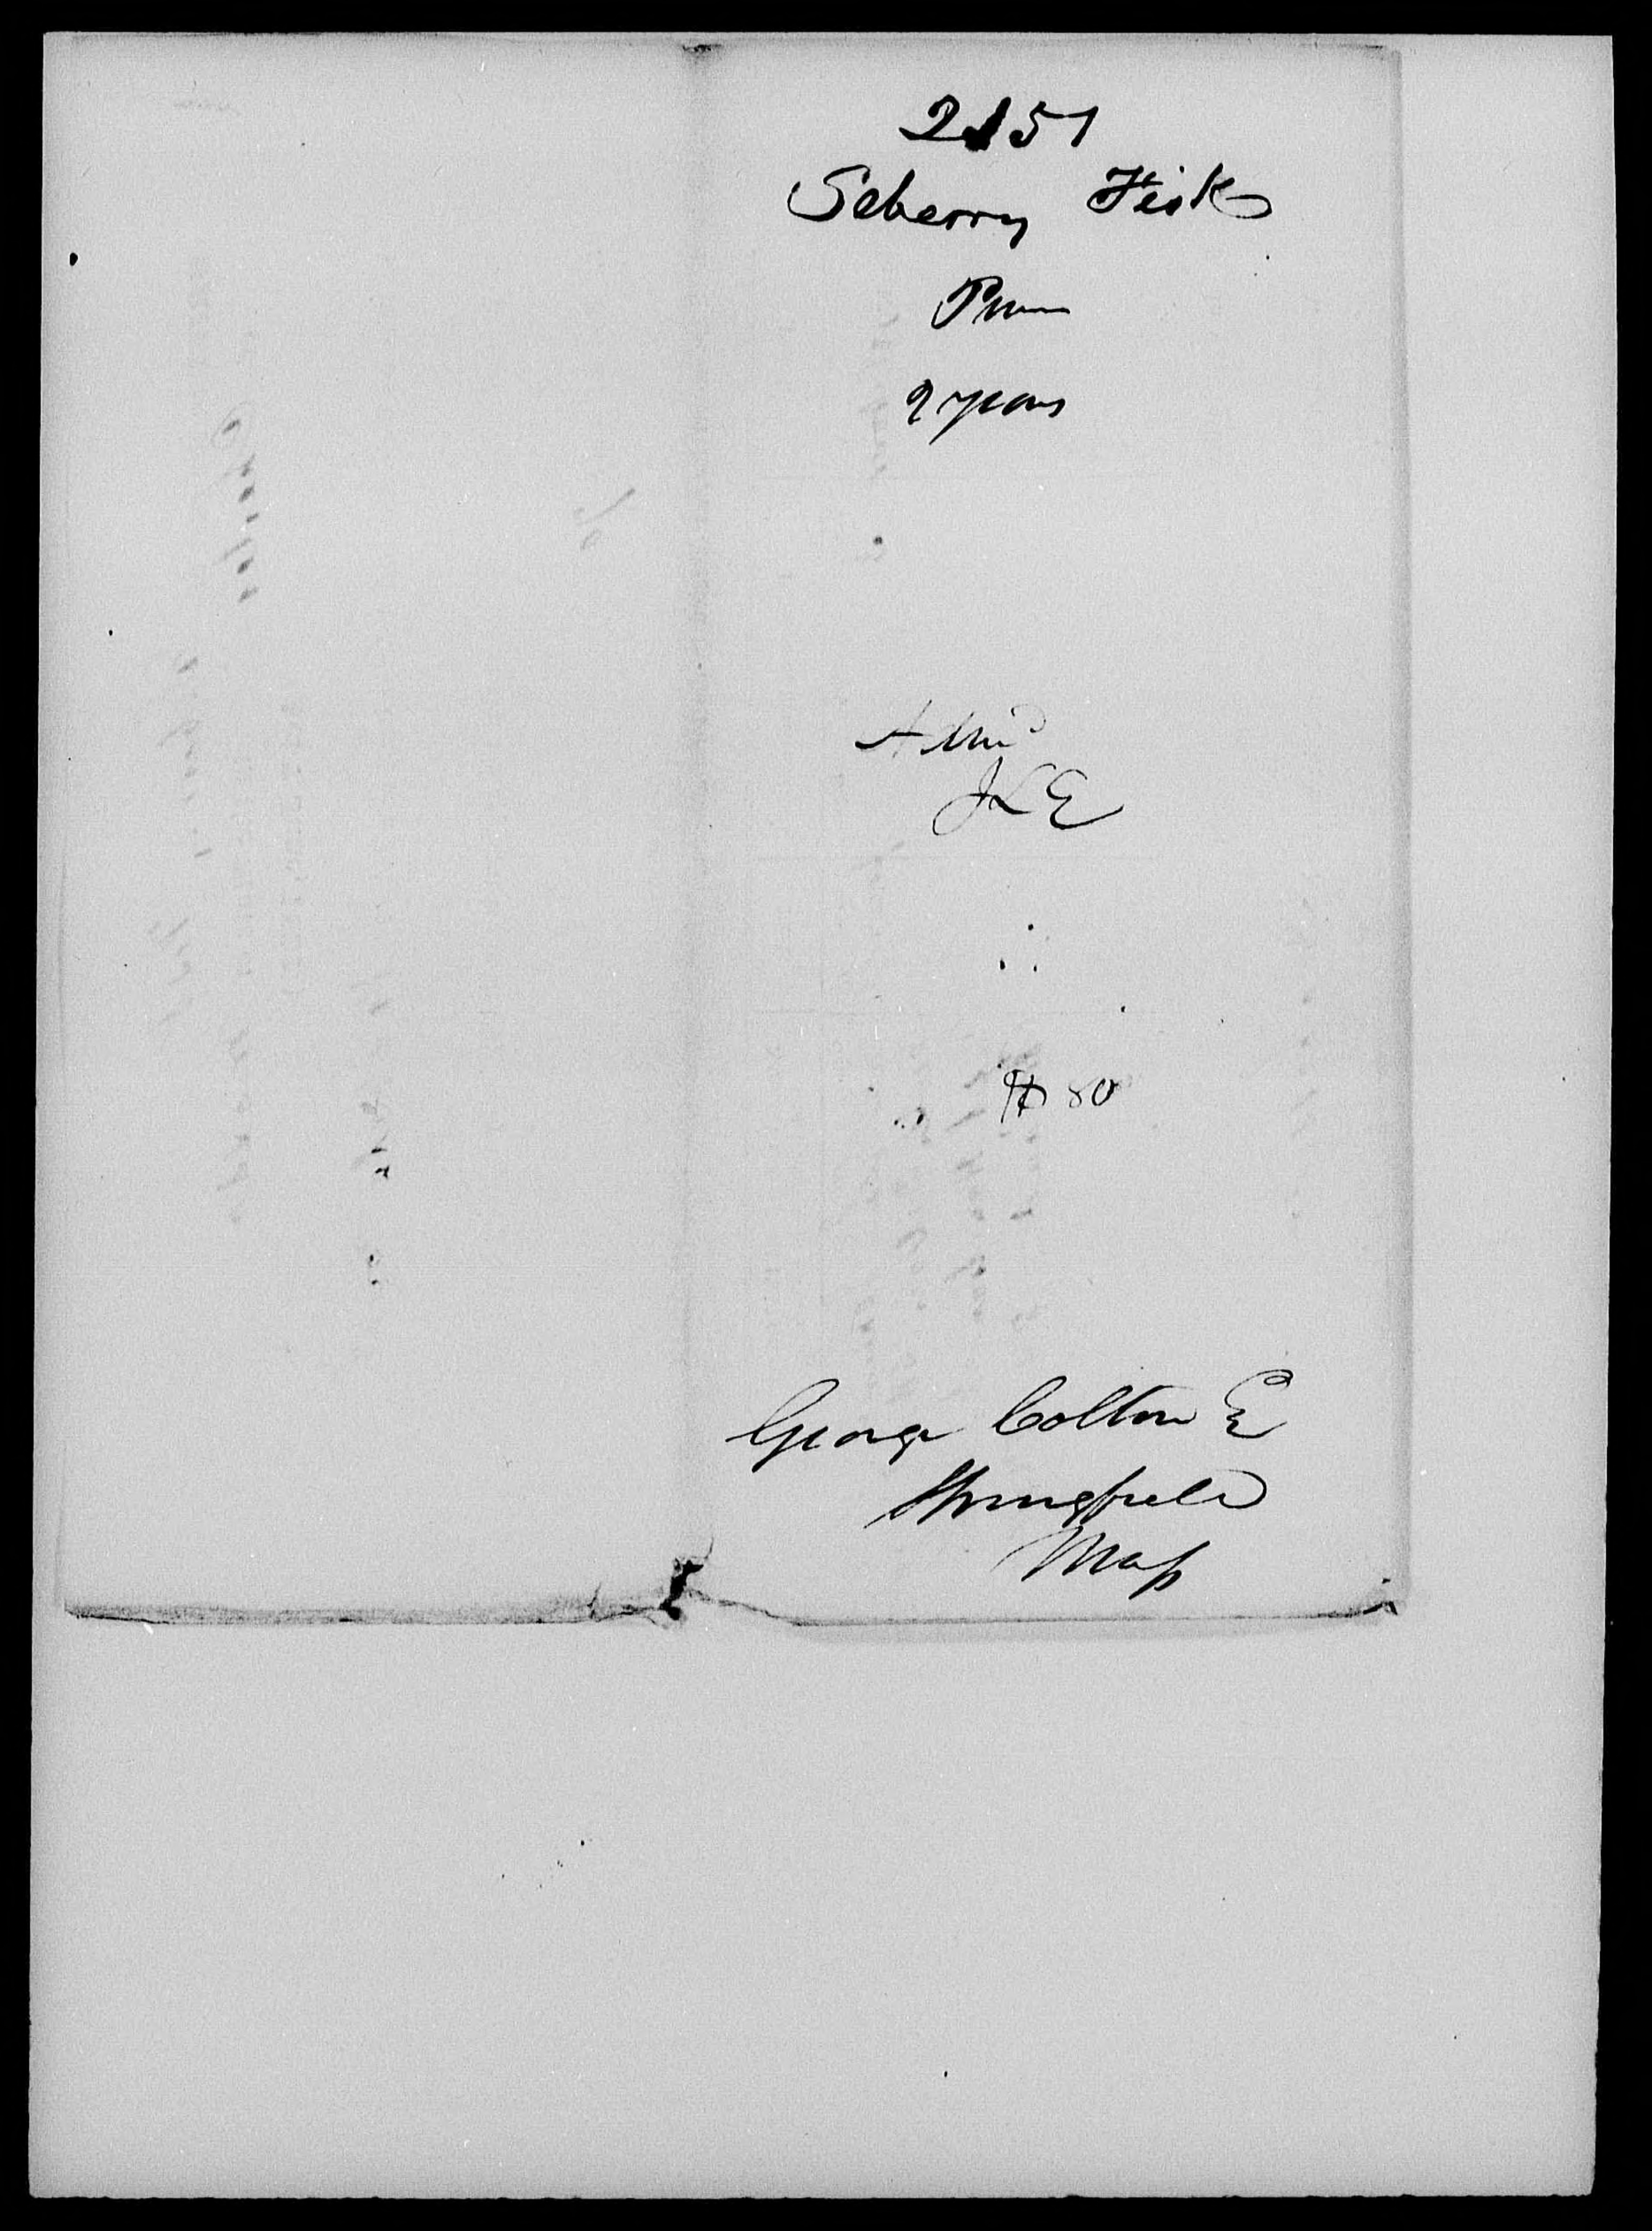[In dark ink]
2151
Seberry Fisk
[Nearly illegible, but possibly:] Priv [private]
2 years

[In lighter ink:]
Alwd [or Admd, probably meaning the claim was allowed, or admitted]
JLE

$80

[In dark ink] 
George Colton [squiggle]
Springfield
Mass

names: George Colton, J L E, Seberry Fisk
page: 6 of 26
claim: survivor's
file: S. 29797, Seberry Fish, New York